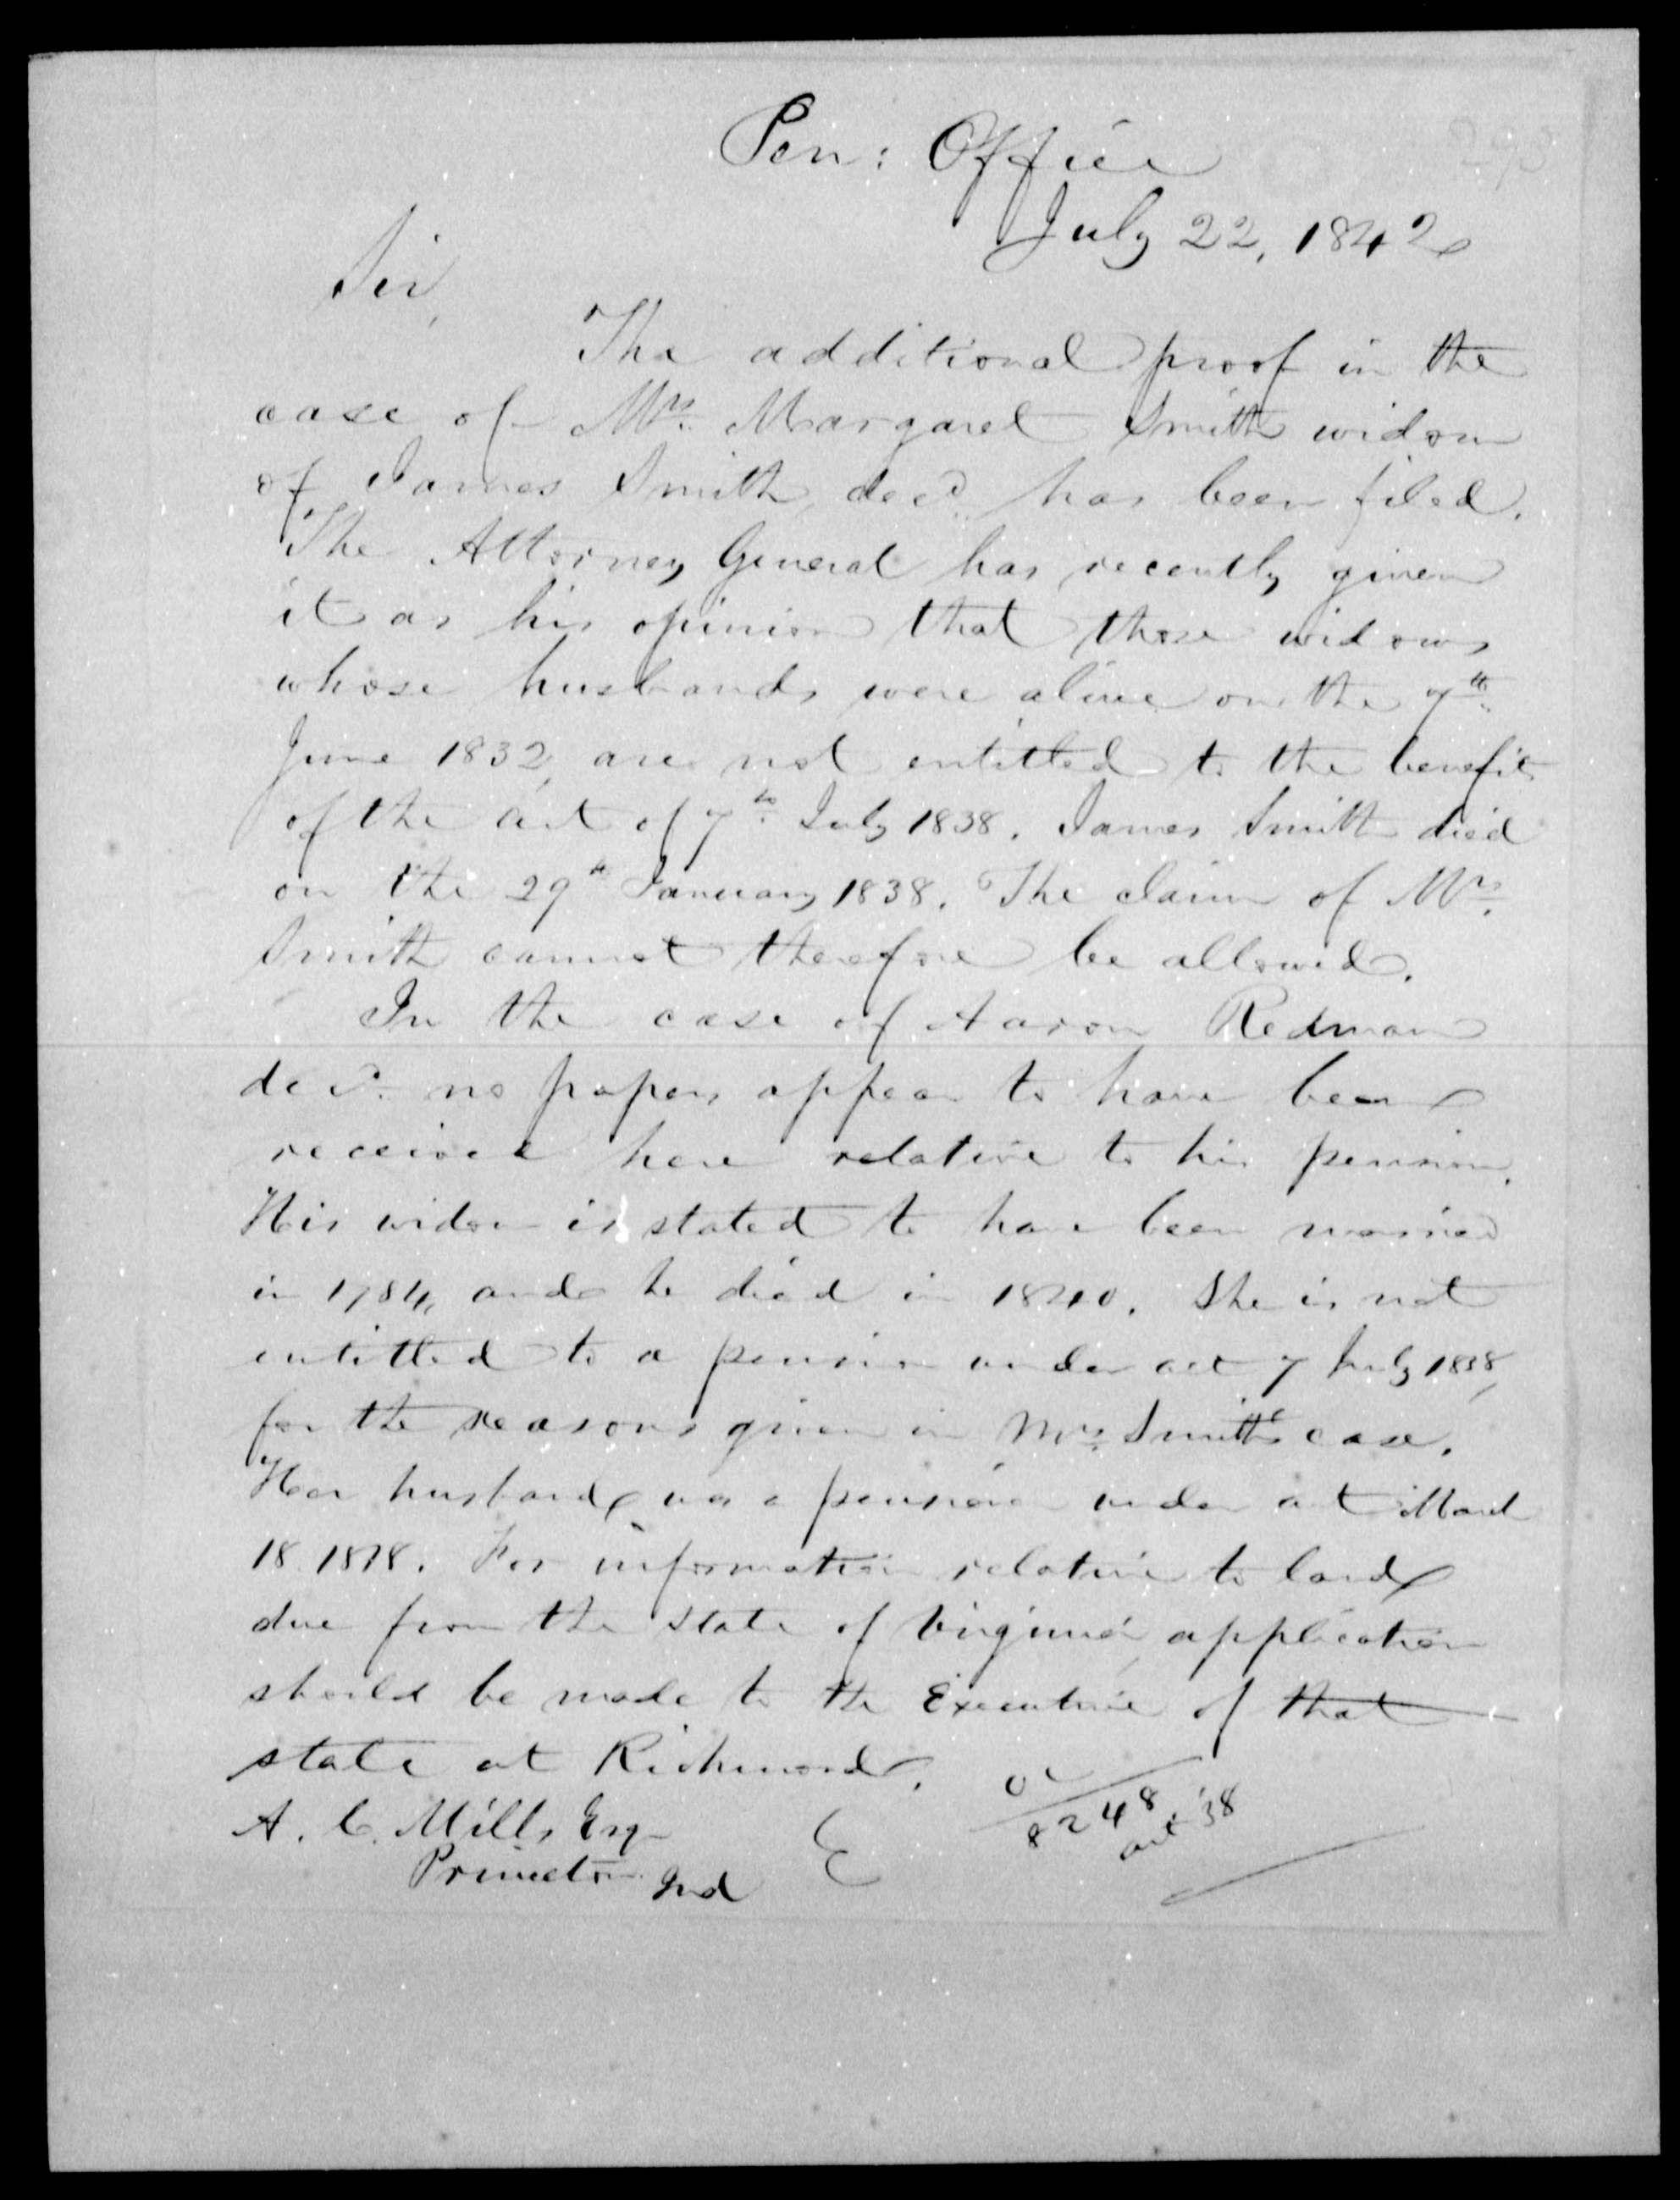Pen: Office
July 22, 1842
Sir,
The additional proof in the case of Mrs. Margaret Smith widow of James Sith, decd. has been filed. 
The Attorney General has recently given it as his opinion that those widows whose husbands were alive on the 7th June 1832, and not entitled to the benefit of the Act of 7th July 1838, James Smith died on the 29th January 1838. The claim of Mrs. Smith cannot therefore be allowed.
In the case of Aaron Redman decd. no papers appear to have been received here relative to his pension. His widow is stated to have been married in 1784, and he died in 1840. She is not entitled to a pension under Act 7 July 1838, for the reasons given in Mrs. Smith's case.
Her husband was a pensioner under Act March 18 1818. For information relative to land due from the state of Virginia application should be made to the Executive of that state at Richmond.
A. C. Mills Esq
Princeton Ind
8248
Act '38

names: [BLANK] Smith; James Smith; A C Mills; Margaret Smith; James Smith; [BLANK] Smith; Aaron Redman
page: 24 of 57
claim: widow's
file: W. 9,622, for Aaron Redman, Virginia